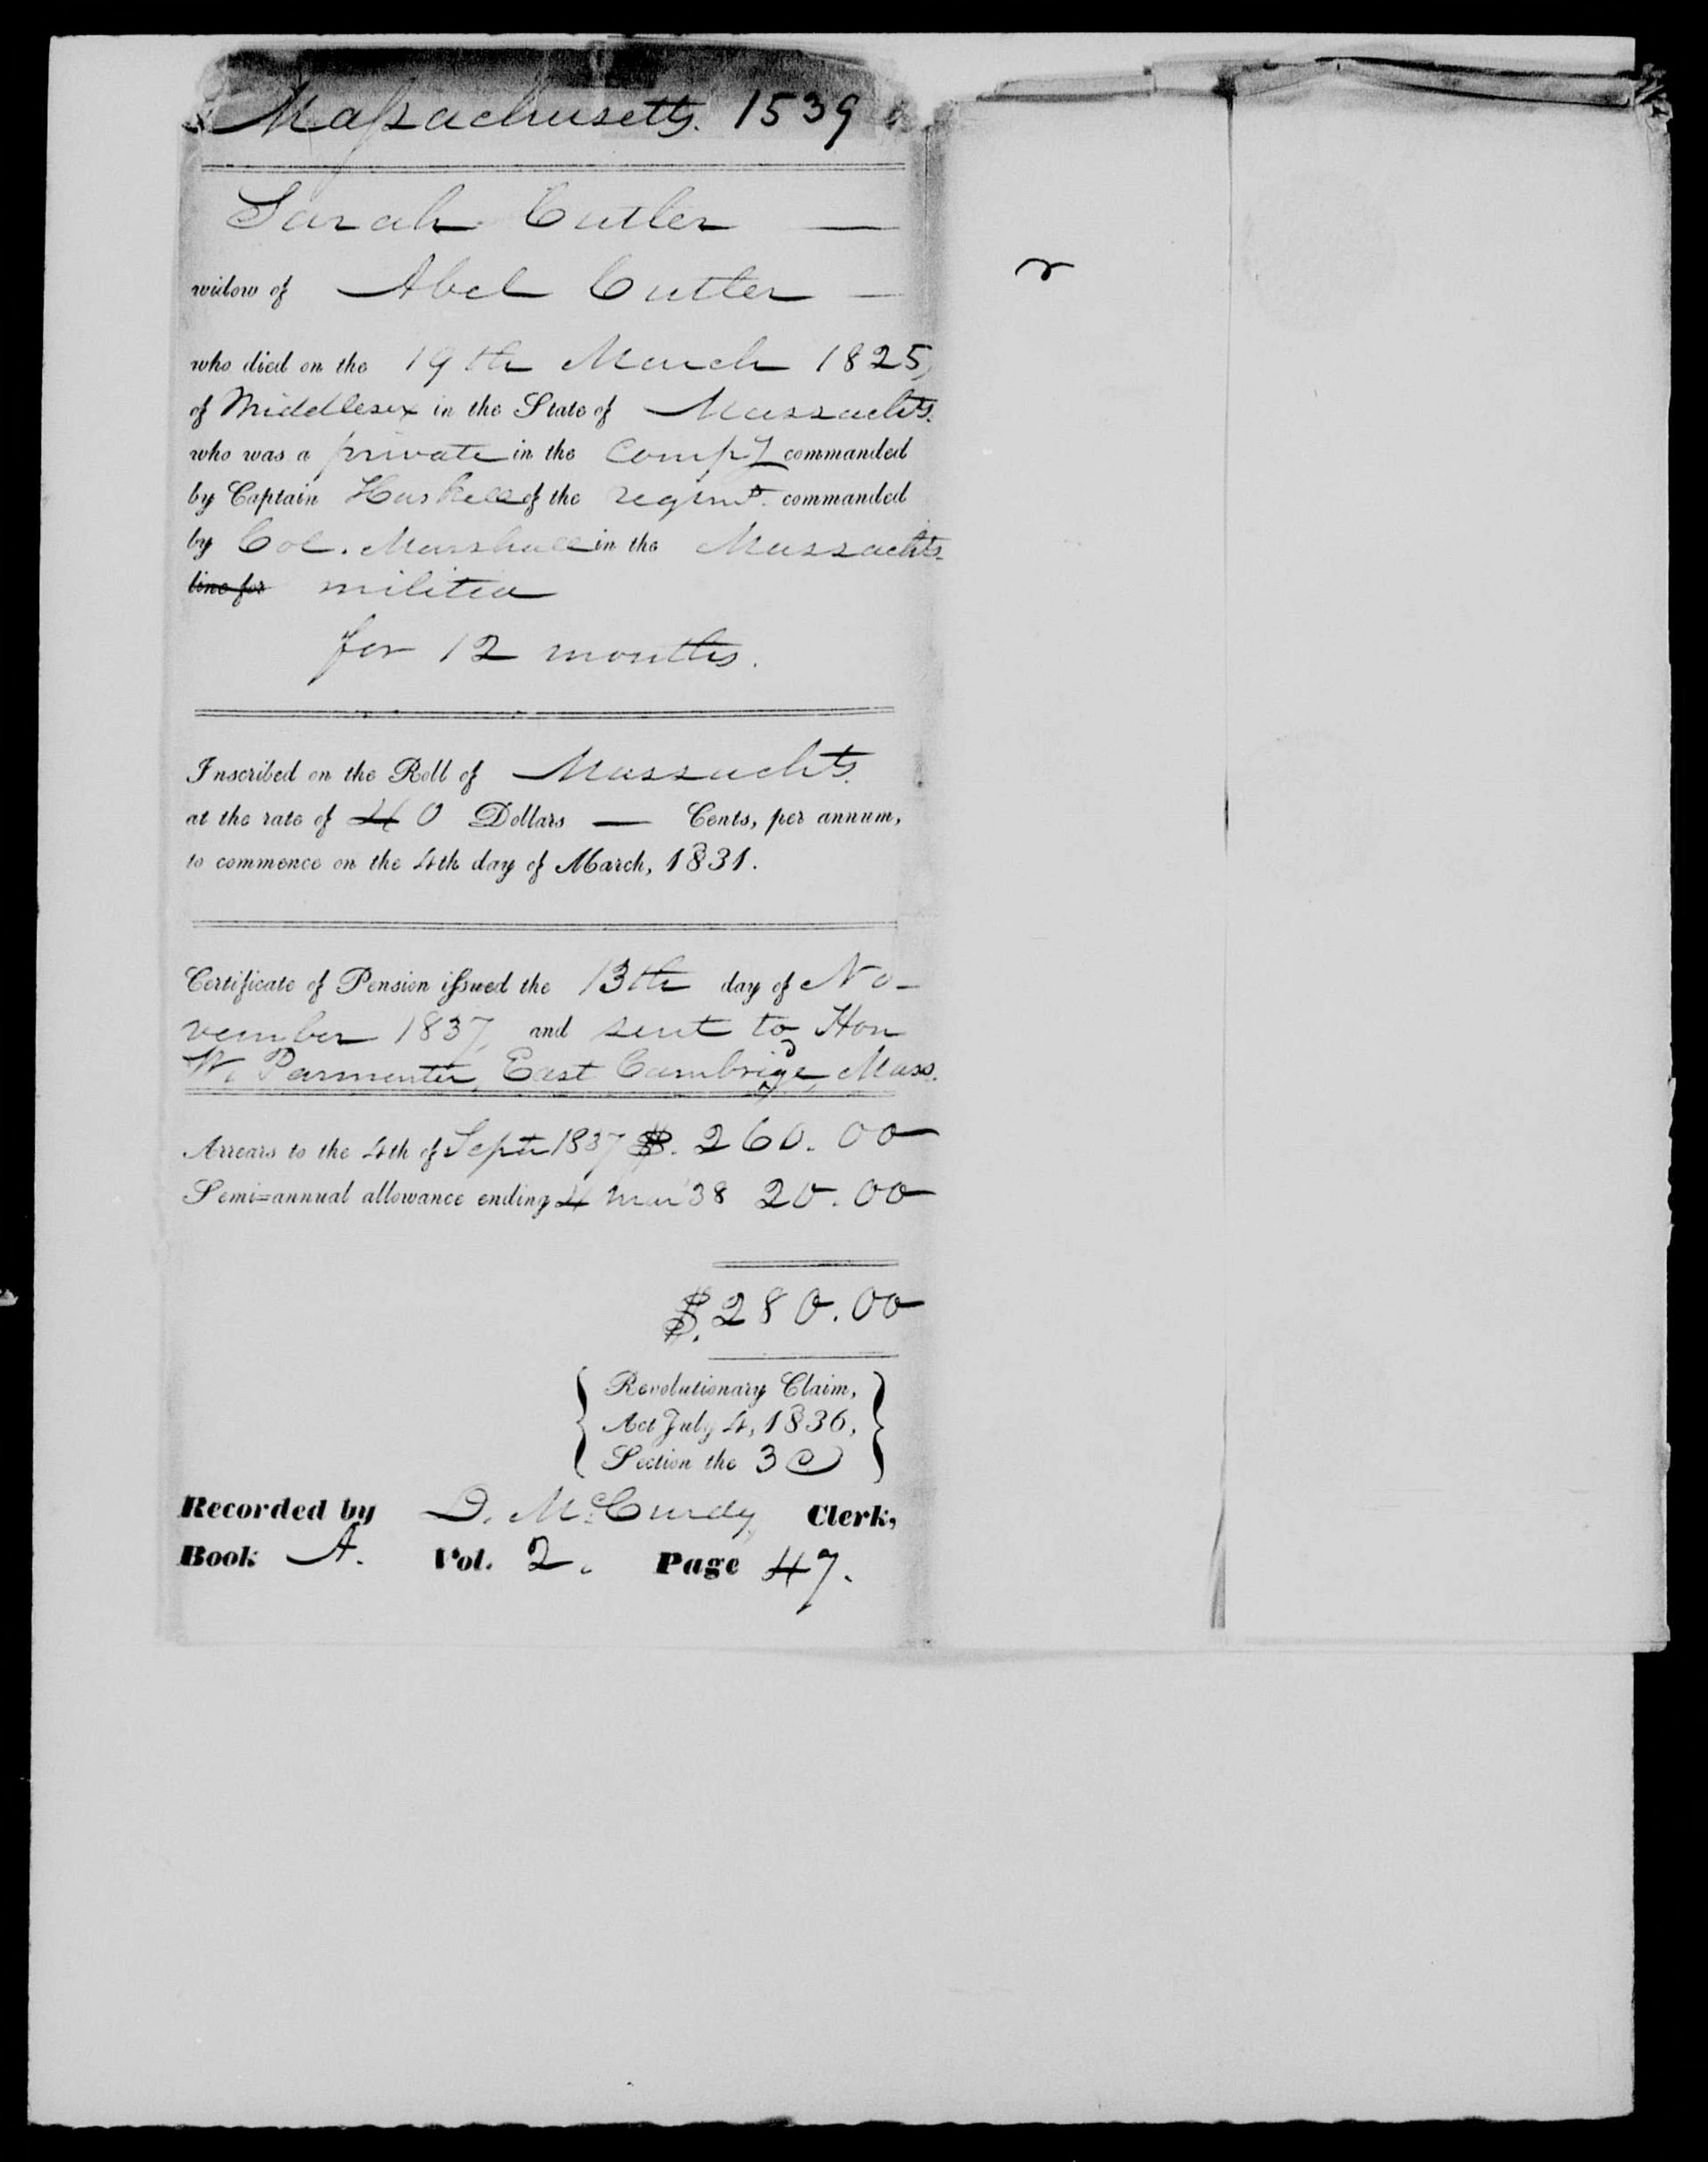Massachusetts 1539
Sarah Cutler
widow of Abel Cutler
who died on the 19th March 1825
of Middlesex in the State of Massachusetts 
who was a private in the company commanded
by Capt Haskell of the Regiment commanded
by Col. Marshall in the Massachusetts militia for 12 months.
Inscribed on the roll of Massachuetts at the rate of $40 per annum to commence on 4 Mar 1831.
Certificate of Pension issued 13 Nov 1837 and sent to Hon. W. Parmenter, East Cambridge, Mass.
Arrears to the 4 Sept 1837 $260.00
semi-annual allowance ending Mar '38 $20.00
---
$280.00
Revolutionary Claim
Act July 4, 1836
Section 3C
Recorded by D. M. Curdy, Clerk
Book A, Vol. 2, Page 47.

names: D Mc Curdy, W Parmenter, Sarah Cutler, Marshall, Hashell, Abel Cutler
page: 2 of 22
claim: widow's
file: W. 14,552, Abel Cutler, Mass.